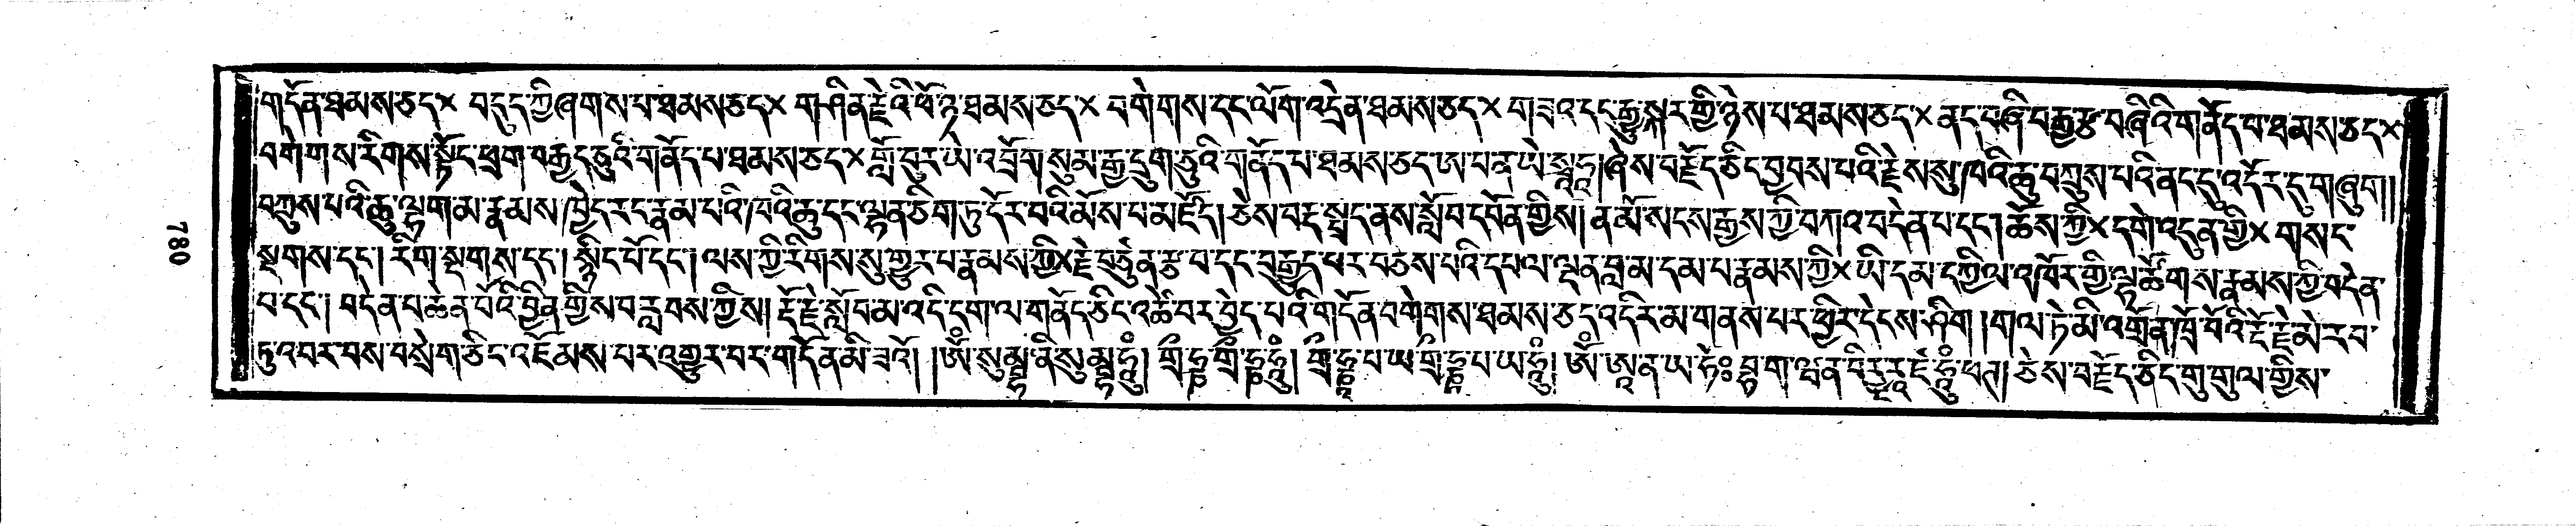གདོན་ཐམས་ཅད་྾་བདུད་ཀྱི་ཞགས་པ་ཐམས་ཅད་྾་གཤིན་རྗེའི་ཕོ་ཉ་ཐམས་ཅད་྾་བགེགས་དང་ལོག་འདྲེན་ཐམས་ཅད་྾་གཟའ་དང་རྒྱུ་སྐར་གྱི་ཉེས་པ་ཐམས་ཅད་྾་ནད་བཞི་བརྒྱ་རྩ་བཞིའི་གནོད་པ་ཐམས་ཅད་྾་
བགེགས་རིགས་སྟོང་ཕྲག་བརྒྱད་ཅུའི་གནོད་པ་ཐམས་ཅད་྾་གློ་བུར་ཡེ་འབྲོག་སུམ་རྒྱ་དྲུག་ཅུའི་གནོད་པ་ཐམས་ཅད་ཨ་པ་ན་ཡེ་སྭཱཧཱ། ཞེས་བརྗོད་ཅིང་བྱབས་པའི་རྗེས་སུ་ཁའི་ཆུ་བཀྲུས་པའི་ནང་དུ་འདོར་དུ་གཞུག །
བཀྲུས་པའི་ཆུ་ལྷག་མ་རྣམས་ཁྱེད་རང་རྣམ་པའི་ཁའི་ཆུ་དང་ལྷན་ཅིག་ཏུ་དོར་བའི་མོས་པ་མཛོད། ཅེས་བརྡ་སྤྲད་ནས་སློབ་དཔོན་གྱིས། ན་མོ་སངས་རྒྱས་ཀྱི་བཀའ་བདེན་པ་དང་། ཆོས་ཀྱི་྾་དགེ་འདུན་གྱི་྾་གསང་
སྔགས་དང་། རིག་སྔགས་དང་། སྙིང་པོ་དང་། ལས་ཀྱི་རིགས་སུ་གྱུར་པ་རྣམས་ཀྱི་྾་རྗེ་བཙུན་རྩ་བ་དང་བརྒྱུད་པར་བཅས་པའི་དཔལ་ལྡན་བླ་མ་དམ་པ་རྣམས་ཀྱི་྾་ཡི་དམ་དཀྱིལ་འཁོར་གྱི་ལྷ་ཚོགས་རྣམས་ཀྱི་བདེན་
པ་དང་། བདེན་པ་ཆེན་པོའི་བྱིན་གྱིས་བརླབས་ཀྱིས། རྡོ་རྗེ་སློབ་མ་འདི་དག་ལ་གཅོད་ཅིང་འཚེ་བར་བྱེད་པའི་གདོན་བགེགས་ཐམས་ཅད་འདིར་མ་གནས་པར་ཕྱིར་དེངས་ཤིག །གལ་ཏེ་མི་འགྲོ་ན་ཁྲོ་བོའི་རྡོ་རྗེ་མེ་རབ་
ཏུ་འབར་བས་བསྲེག་ཅིང་འཇོམས་པར་འགྱུར་བར་གདོན་མི་ཟའོ། །ཨོཾ་སུམྦྷ་ནི་སུམྦྷ་ཧཱུཾ། གྲྀ་ཧྞ་གྲྀ་ཧྞ་ཧཱུ། གྲྀ་ཧྞ་པ་ཡ་གྲྀ་ཧྞ་པ་ཡ་ཧཱུཾ། ཨོཾ་ཨཱ་ན་ཡ་ཧོཿ བྷ་ག་ཝན་བིརྱཱ་རཱ་ཛ་ཧཱུཾ་ཕཊ། ཅེས་བརྗོད་ཅིང་གུ་གུལ་གྱིས་